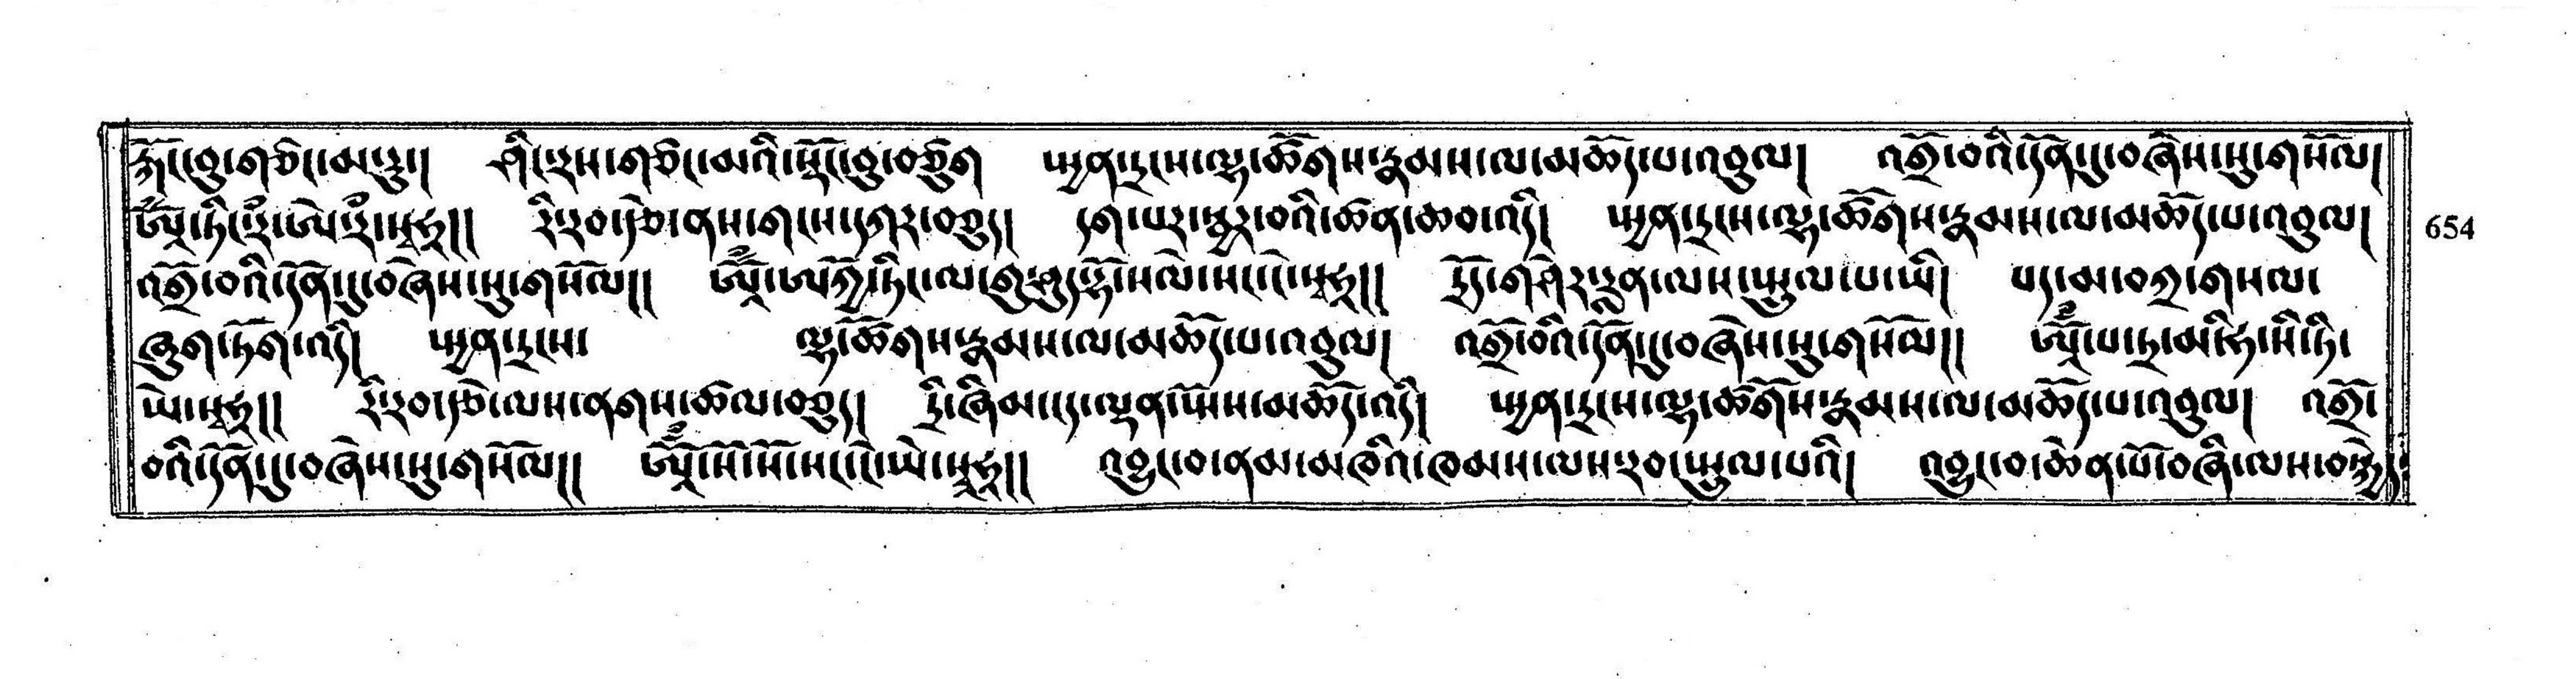རྐོང་བུ་གཙང་མ་རུ། ཤིང་རས་གཙང་མའི་སྡོང་བུ་བཙུག སྤྱན་དྲངས་ལྷ་ཚོགས་རྣམས་ལ་མཆོད་པ་འབུལ། འགྲོ་བའི་དོན་དུ་བཞེས་སུ་གསོལ། 
ཨཱོཾ་ཏིང་རཾ་ཨེ་རཾ་སྭཧཱ།། རི་རབ་རྩེ་ནས་གངས་དཀར་བཅུད། དག་པར་སྦྱར་བའི་ཚན་ཆབ་འདི། སྤྱན་དྲངས་ལྷ་ཚོགས་རྣམས་ལ་མཆོད་པ་འབུལ། 
འགྲོ་བའི་དོན་དུ་བཞེས་སུ་གསོལ།། ཨཱོཾ་ཨཀྱོ་ཏིང་ལ་གུ་ཤུད་དྷོ་སལེ་སང་ངེ་སྭཧཱ།། དྲོད་གཤེར་རླན་ལས་སྤྲུལ་པ་ཡི། པད་མ་བཀྲ་གསལ་
ཞུག་ཏོག་འདི། སྤྱན་དྲངས་ལྷ་ཚོགས་རྣམས་ལ་མཆོད་པ་འབུལ། འགྲོ་བའི་དོན་དུ་བཞེས་སུ་གསོལ།། ཨཱོཾ་པ་ཏྲ་མ་ཧི་སི་ཏི་
ཡེ་སྭཧཱ།། རི་རབ་རྩེ་ལས་ནགས་ཚལ་བཅུད། དྲི་ཞིམ་ངད་ལྡན་སྤོས་མཆོད་འདི། སྤྱན་དྲངས་ལྷ་ཚོགས་རྣམས་ལ་མཆོད་པ་འབུལ། འགྲོ་
བའི་དོན་དུ་བཞེས་སུ་གསོལ།། ཨཱོཾ་སོ་སོ་སང་ངེ་ཡེ་སྭཱཧཱ།། འབྱུང་བ་ནམ་མཁའི་ཁམས་ལས་རབ་སྤྲུལ་པའི། འབྱུང་བ་ཆེན་པོ་བཞི་ལས་བསྐྱེད་